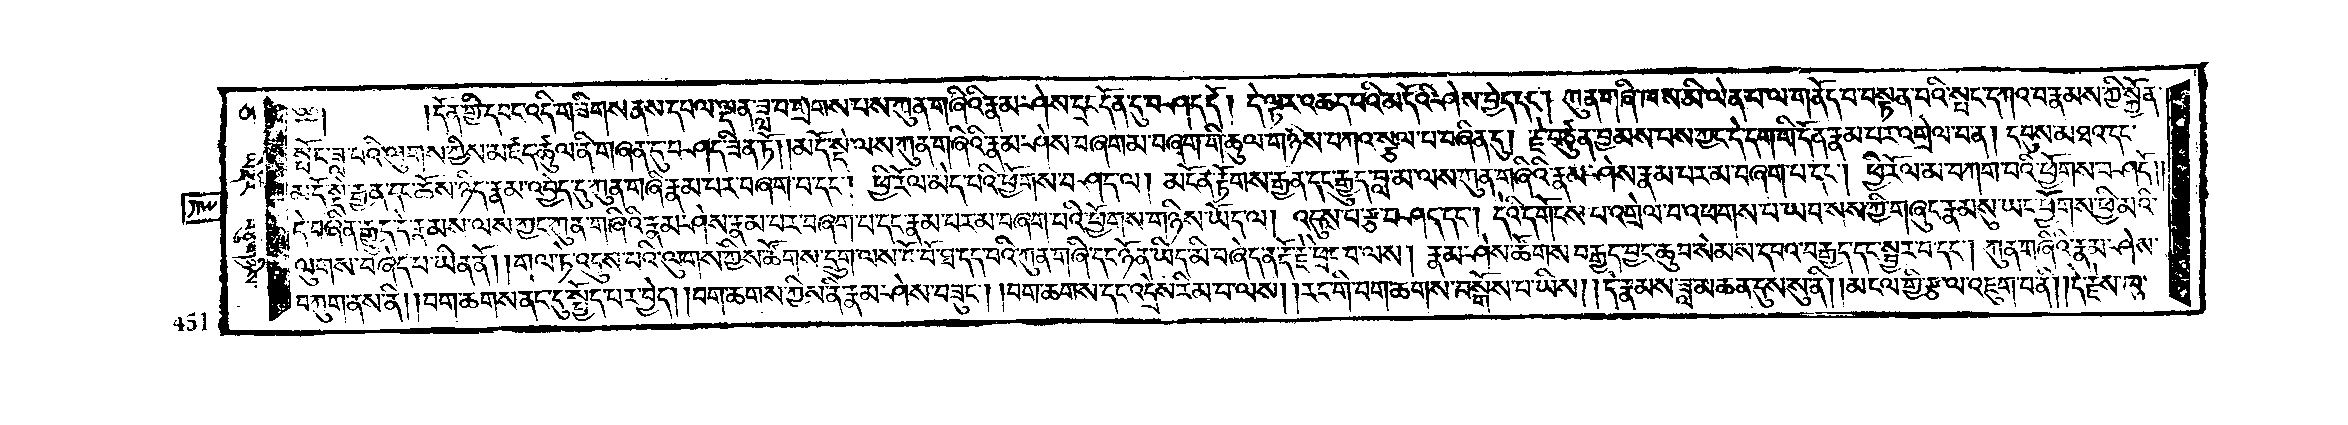༄༅། །དོན་གྱི་དབང་འདི་གཟིགས་ནས་དཔལ་ལྡན་ཟླ་བ་གྲགས་པས་ཀུན་གཞིའི་རྣམ་ཤེས་དྲང་དོན་དུ་བཤད་དེ། དེ་ལྟར་འཆད་པའི་མདོའི་ཤེས་བྱེད་དང་། ཀུན་གཞི་ཁས་མི་ལེན་པ་ལ་གནོད་པ་བསྟན་པའི་སྤང་དཀའ་བ་རྣམས་ཀྱི་སྐྱོན་
སྤོང་ཟླ་བའི་ལུགས་ཀྱིས་མཛད་ཚུལ་ནི་གཞན་དུ་བཤད་ཟིན་ཏོ། །མདོ་སྡེ་ལས་ཀུན་གཞིའི་རྣམ་ཤེས་བཞག་མ་བཞག་གི་ཚུལ་གཉིས་བཀའ་སྩལ་པ་བཞིན་དུ། རྗེ་བཙུན་བྱམས་པས་ཀྱང་དེ་དག་གི་དོན་རྣམ་པར་འགྲེལ་བ་ན། དབུས་མཐའ་དང་
མདོ་སྡེ་རྒྱན་དང་ཆོས་ཉིད་རྣམ་འབྱེད་དུ་ཀུན་གཞི་རྣམ་པར་བཞག་པ་དང་། ཕྱི་རོལ་མེད་པའི་ཕྱོགས་བཤད་ལ། མངོན་རྟོགས་རྒྱན་དང་རྒྱུད་བླ་མ་ལས་ཀུན་གཞིའི་རྣམ་ཤེས་རྣམ་པར་མ་བཞག་པ་དང་། ཕྱི་རོལ་མ་བཀག་པའི་ཕྱོགས་བཤད་དོ། །
དེ་བཞིན་རྒྱུད་དེ་རྣམས་ལས་ཀྱང་ཀུན་གཞིའི་རྣམ་ཤེས་རྣམ་པར་བཞག་པ་དང་རྣམ་པར་མ་བཞག་པའི་ཕྱོགས་གཉིས་ཡོད་ལ། འདུས་པ་རྩ་བཤད་དང་། དེའི་དགོངས་པ་འགྲེལ་བ་འཕགས་པ་ཡབ་སྲས་ཀྱི་གཞུང་རྣམས་སུ་ཡང་ཕྱོགས་ཕྱི་མའི་
ལུགས་བཞེད་པ་ཡིན་ནོ། །གལ་ཏེ་འདུས་པའི་ལུགས་ཀྱིས་ཚོགས་དྲུག་ལས་ངོ་བོ་ཐ་དད་པའི་ཀུན་གཞི་དང་ཉོན་ཡིད་མི་བཞེད་ན་རྡོ་རྗེ་ཕྲེང་བ་ལས། རྣམ་ཤེས་ཚོགས་བརྒྱད་བྱང་ཆུབ་སེམས་དཔའ་བརྒྱད་དང་སྦྱར་བ་དང་། ཀུན་གཞིའི་རྣམ་ཤེས་
བཀུག་ནས་ནི། །བག་ཆགས་ནང་དུ་སྤྱོད་པར་བྱེད། །བག་ཆགས་ཀྱིས་ནི་རྣམ་ཤེས་བཟུང་། །བག་ཆགས་དང་འདྲེས་རིམ་པ་ལས། །རང་གི་བག་ཆགས་བསྒོས་པ་ཡིས། །དེ་རྣམས་ཟླ་མཚན་དུས་སུ་ནི། །མངལ་གྱི་རྩ་ལ་འཇུག་པ་ནི། །དེ་རྗེས་ཁུ་